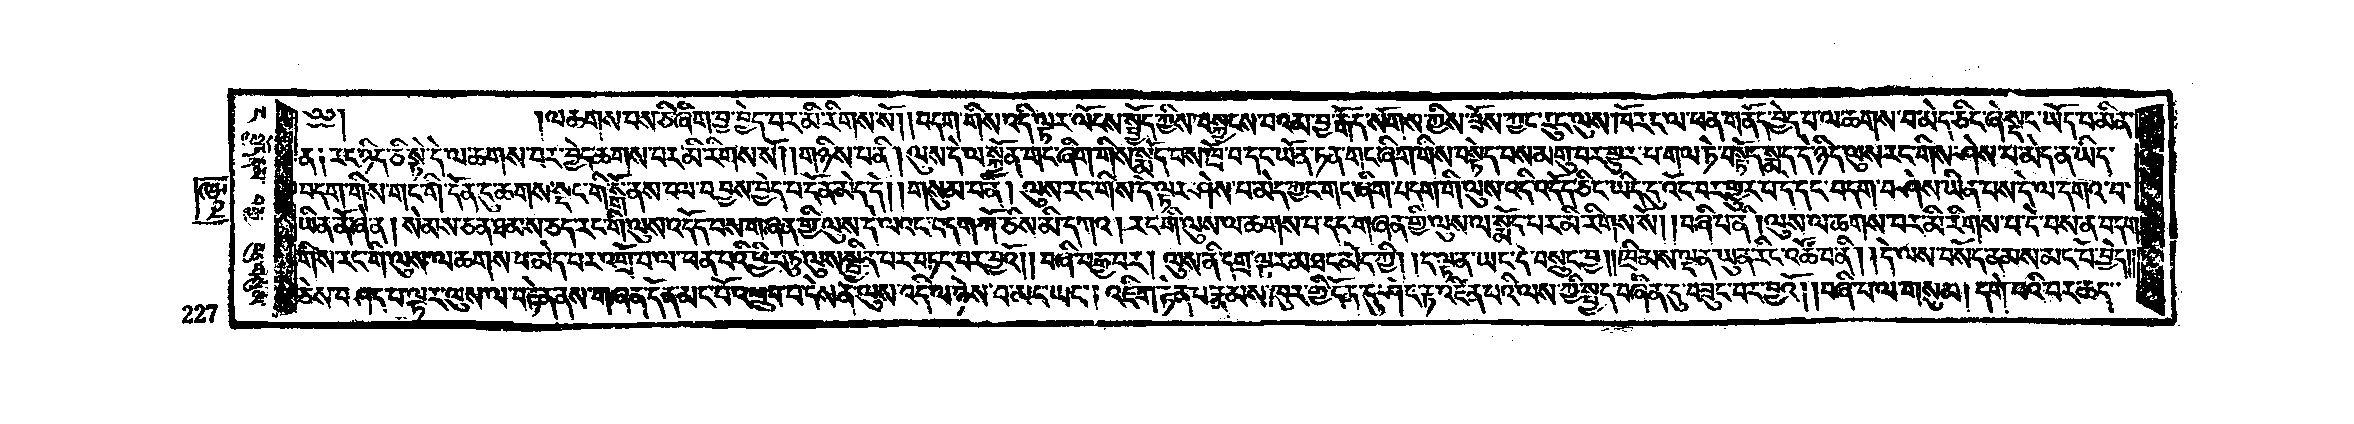༄༅། །ལ་ཆགས་པས་ཅི་ཞིག་བྱ་བྱེད་པར་མི་རིགས་སོ། །བདག་གིས་འདི་ལྟར་ལོངས་སྤྱོད་ཀྱིས་བསྐྱངས་པའམ་བྱ་རྒོད་སོགས་ཀྱིས་ཟོས་ཀྱང་རུང་ལུས་ཁོ་རང་ལ་ཕན་གནོད་བྱེད་པ་ལ་ཆགས་པ་མེད་ཅིང་ཞེས་དང་ཡོད་པ་མིན་
ན༑ རང་ཉིད་ཅི་སྟེ་དེ་ལ་ཆགས་པར་བྱེད་ཆགས་པར་མི་རིགས་སོ། །གཉིས་པ་ནི། ལུས་དེ་ལ་སྐྱོན་གང་ཞིག་གིས་སྨོད་པས་ཁོར་བ་དང་ཡོན་ཏན་གང་ཞིག་གིས་བསྟེད་པས་མགུ་བར་གྱུར་པ་གལ་ཏེ་བསྟོད་སྨད་དེ་ཉིད་ལུས་རང་གིས་ཤེས་པ་མེད་ན་ཡིད་
བདག་གིས་གང་གི་དོན་དུ་ཆགས་སྡང་གི་སྒོ་ནས་ངལ་བ་བྱས་བྱེད་པ་དོན་མེད་དེ། །གསུམ་པ་ནི། ལུས་རང་གིས་དེ་ལྟར་ཤེས་པ་མེད་ཀྱང་གང་ཞིག་བདག་གི་ལུས་འདི་འདོད་ཅིང་ཡིད་དུ་འོང་བར་གྱུར་པ་དེ་དང་བདག་བཤེས་ཡིན་པས་དེ་ལ་དགའ་བ་
ཡིན་ནོ་ཞེ་ན། སེམས་ཅན་ཐམས་ཅད་རང་གི་ལུས་འདོད་པས་གཞན་གྱི་ལུས་དེ་ལའང་བདག་ཀོ་ཅེས་མི་དགའ། རང་གི་ལུས་ལ་ཆགས་པ་དང་གཞན་གྱི་ལུས་ལ་སྨོད་པར་མི་རིགས་སོ། །བཞི་པ་ནི། ལུས་ལ་ཆགས་པར་མིར་རིགས་པ་དེ་བས་ན་བདག་
གིས་རང་གི་ལུས་ལ་ཆགས་པ་མེད་པར་འགྲོ་བ་ལ་ཕན་པའི་ཕྱིར་ཏུ་ལུས་སྦྱིན་པར་བཏང་བར་བྱའོ། །བཞི་བརྒྱ་པར། ལུས་ནི་དགྲ་ལྟར་མཐོང་མེད་ཀྱི། །ད་ལྟ་ན་ཡང་དེ་བསྲུང་བྱ། །ཁྲིམས་ལྡན་ཡུན་རིང་འཚོ་བ་ནི། །དེ་ལས་བསོད་ནམས་མང་པོ་བྱེད། །
ཅེས་བཤད་པ་ལྟར་ལུས་ལ་བརྟེན་ནས་གཞན་དོན་མང་པོ་འགྲུབ་པ་དེ་ན་ལུས་འདི་ལ་ཉེས་པ་མང་ཡང་། འཇིག་རྟེན་པ་རྣམས་ཁུར་གྱི་དོན་དུ་ཤིང་རྟ་འཛིན་པའི་ལས་ཀྱི་སྤྱད་བཞིན་དུ་བཟུང་བར་བྱའོ། །བཞི་པ་ལ་གསུམ། དགེ་བའི་བར་ཆད་